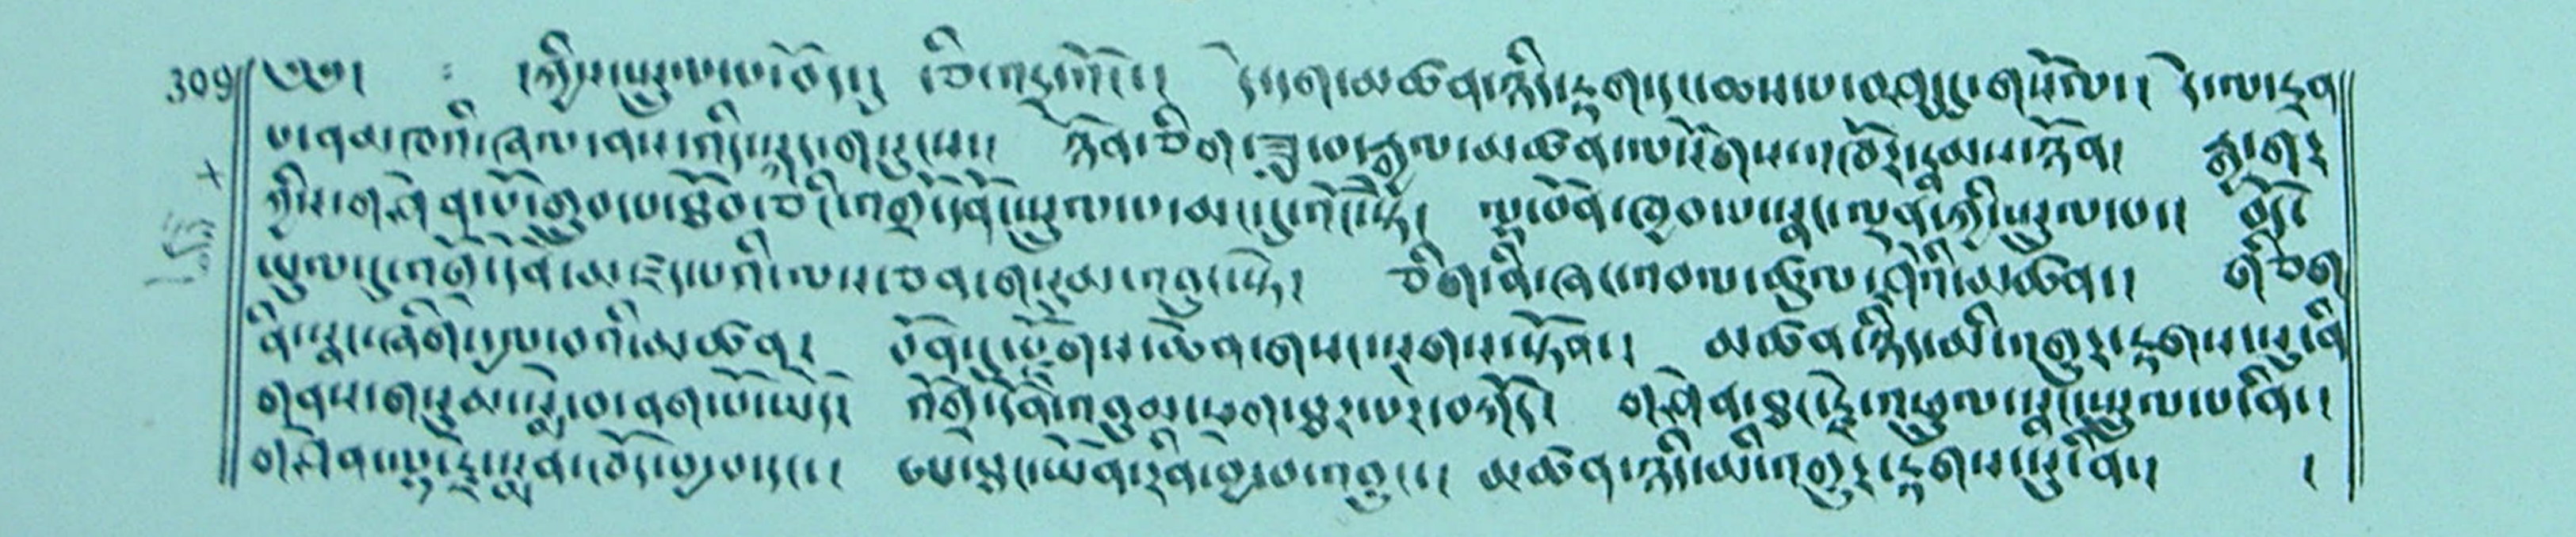༄༅། །ཀྱི་སྤྲུལ་པ་བོད་དུ་ཅི་འདྲ་འོང་། དེ་དག་མཚན་ཉིད་རྟགས་དང་བཅས་པ་བཤད་དུ་གསོལ། ཅེས་ཞུས་པས། དེ་ལ་དྲན་
པ་ནམ་མཁའི་ཞལ་ནས་འདི་སྐད་གསུངས། ཉོན་ཅིག་ཟླ་བ་རྒྱལ་མཚན་ལ་སོགས་འཁོར་རྣམས་ཉོན། རྒྱ་གར་
གཤེན་པོ་གྲུབ་པ་ཐོབ་ཅིང་འགྲོ་དོན་སྤྲུལ་པ་མང་དུ་འོང་སྟེ། ལྷ་བོན་ཁྱབ་པ་སྣང་ལྡན་གྱི་སྤྲུལ་བ། བོད་
ཡུལ་དུ་འགྲོ་དོན་མཛད་པའི་ལས་ཅན་གསུམ་འབྱུང་སྟེ། ཅིག་ནི་ཞང་འབལ་ཚུལ་ཤེས་མཚན། གཅིག་
ནི་སྣང་ཞིག་རྒྱལ་བའི་མཚན། བོན་དུ་རྫོགས་ཆེན་གསང་སྔགས་སྟོན། མཚན་ཉིད་མི་འགྱུར་རྟགས་སུ་ནི། 
གནས་གསུམ་སྨེ་བ་ནག་པོ་ཡོད། འགྲོ་དོན་འབུམ་ཕྲག་ཐར་བར་བཀོད། གཤེན་ཐང་རྗེ་འཕྲུལ་སྣང་སྤྲུལ་པ་ནི། 
གཤེན་ལྷ་རྗེ་སྨན་ཁོད་བྱ་བ་དང་། ཨ་ཐང་ཡོན་རིན་བྱ་བ་འབྱུང་། མཚན་ཉིད་མི་འགྱུར་རྟགས་སུ་ནི།